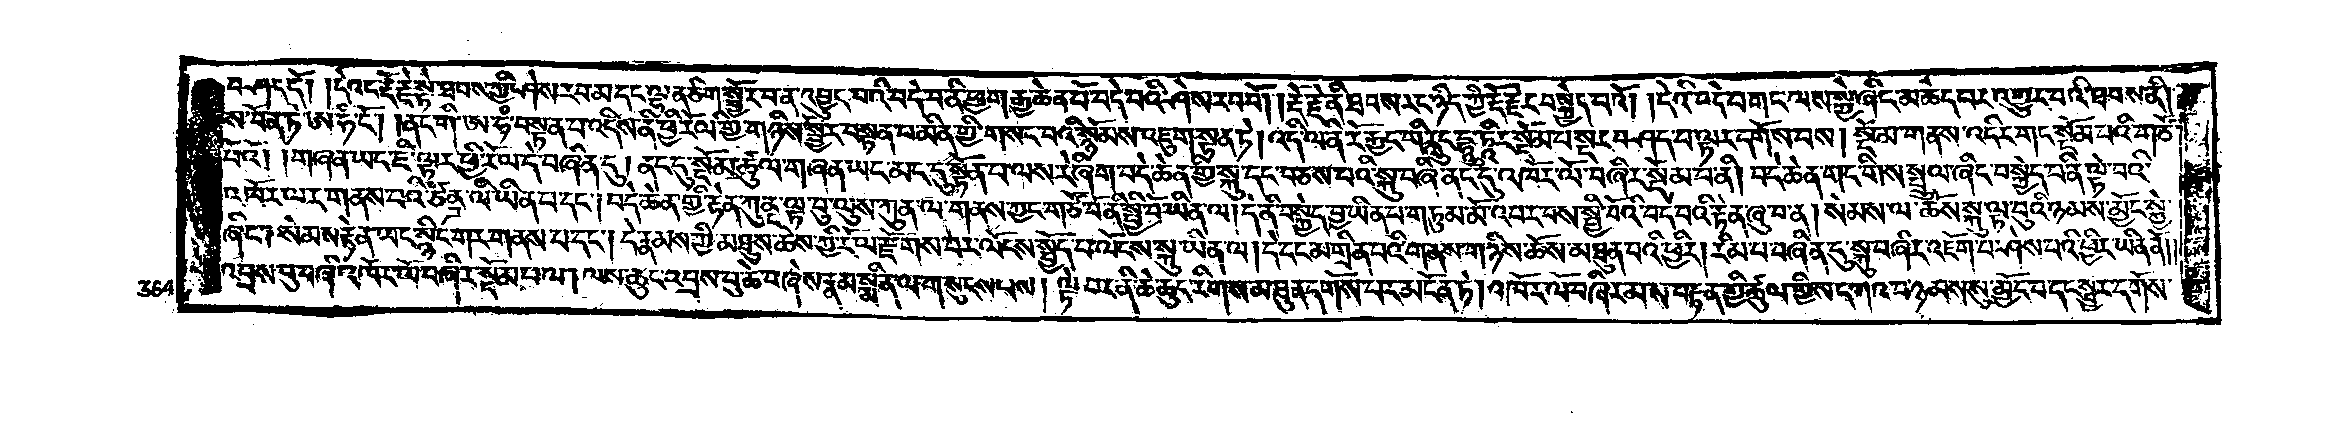བཤད་དོ། །དེའང་རྡོ་རྗེ་སྟེ་ཐབས་ཀྱི་ཤེས་རབ་མ་དང་ལྷན་ཅིག་སྦྱོར་བ་ན་འབྱུང་བའི་བདེ་བ་ནི་ཕྱག་རྒྱ་ཆེན་པོ་བདེ་བའི་ཤེས་རབ་བོ། །རྡོ་རྗེ་ནི་ཐབས་རང་ཉིད་ཀྱི་རྡོ་རྗེར་བསྐྱེད་པའོ། །དེའི་བདེ་བ་གང་ལས་སྐྱེ་ཞིང་མཆེད་པར་འགྱུར་བའི་ཐབས་ནི།
ས་བོན་ཏེ་ཨ་ཧཾ་ངོ། །ནང་གི་ཨ་ཧཾ་བསྟན་པ་འདིས་ནི་ཕྱི་རོལ་གྱི་གཉིས་སྦྱོར་བསྟན་པ་མིན་གྱི་གསང་བའི་སྙོམས་འཇུག་སྟན་ཏེ། འདི་ལ་ནི་རོ་རྐྱང་གི་རླུང་དྷཱུ་ཏཱིར་སྡོམ་པ་སྔར་བཤད་པ་ལྟར་དགོས་པས། སྡོམ་གནས་འདིར་གང་སྡོམ་པའི་གཙོ་
བོའོ། །གཞན་ཡང་ཇི་ལྟར་ཕྱི་རོལ་དེ་བཞིན་དུ། ནང་དུ་སྡོམ་ཚུལ་གཞན་ཡང་མང་དུ་སྟོན་པ་ལས་རེ་ཞིག་བདེ་ཆེན་གྱི་སྐུ་དང་བཅས་པའི་སྐུ་བཞི་ནང་དུ་འཁོར་ལོ་བཞིར་སྡོམ་པ་ནི། བདེ་ཆེན་གང་གིས་སྤྲུལ་ཞིང་བསྐྱེད་པ་ནི་ལྟེ་བའི་
འཁོར་ལོར་གནས་པའི་ཙནྡ་ལི་ཡིན་པ་དང་། བདེ་ཆེན་གྱི་རྟེན་ཀུནྡ་ལྟ་བུ་ལུས་ཀུན་ལ་གནས་ཀྱང་གཙོ་བོ་ནི་སྤྱི་བོ་ཡིན་ལ། དེ་ནི་བསྐྱེད་བྱ་ཡིན་པ་གཏུམ་མོ་འབར་བས་སྤྱི་བོའི་བདེ་བའི་རྟེན་ཞུ་བ་ན། སེམས་ལ་ཆོས་སྐུ་ལྟ་བུའི་ཉམས་མྱོང་སྐྱེ་
ཞིང་། སེམས་རྟེན་ཡང་སྙིང་གར་གནས་པ་དང་། དེ་རྣམས་ཀྱི་མཐུས་ཆོས་ཀྱི་རོ་ལ་རྫོགས་པར་ལོངས་སྤྱོད་པ་ལོངས་སྐུ་ཡིན་ལ། དེ་དང་མགྲིན་པའི་གནས་གཉིས་ཆོས་མཐུན་པའི་ཕྱིར། རིམ་པ་བཞིན་དུ་སྐུ་བཞིར་འཇོག་པ་ཤེས་པའི་ཕྱིར་ཡིན་ནོ། །
འབྲས་བུ་བཞི་འཁོར་ལོ་བཞིར་སྡོམ་པ་ལ། ལས་ཆུང་འབྲས་བུ་ཆེ་བ་ཞེས་རྣམ་སྨིན་ལ་གསུངས་པས། ལྟེ་བར་ནི་ཆེ་ཆུང་རིགས་མཐུན་དགོས་པར་མངོན་ཏེ། འཁོར་ལོ་བཞིར་མས་བརྟན་གྱི་ཚུལ་གྱིས་དཀའ་བ་ཉམས་སུ་མྱོང་བ་དང་སྦྱར་དགོས་